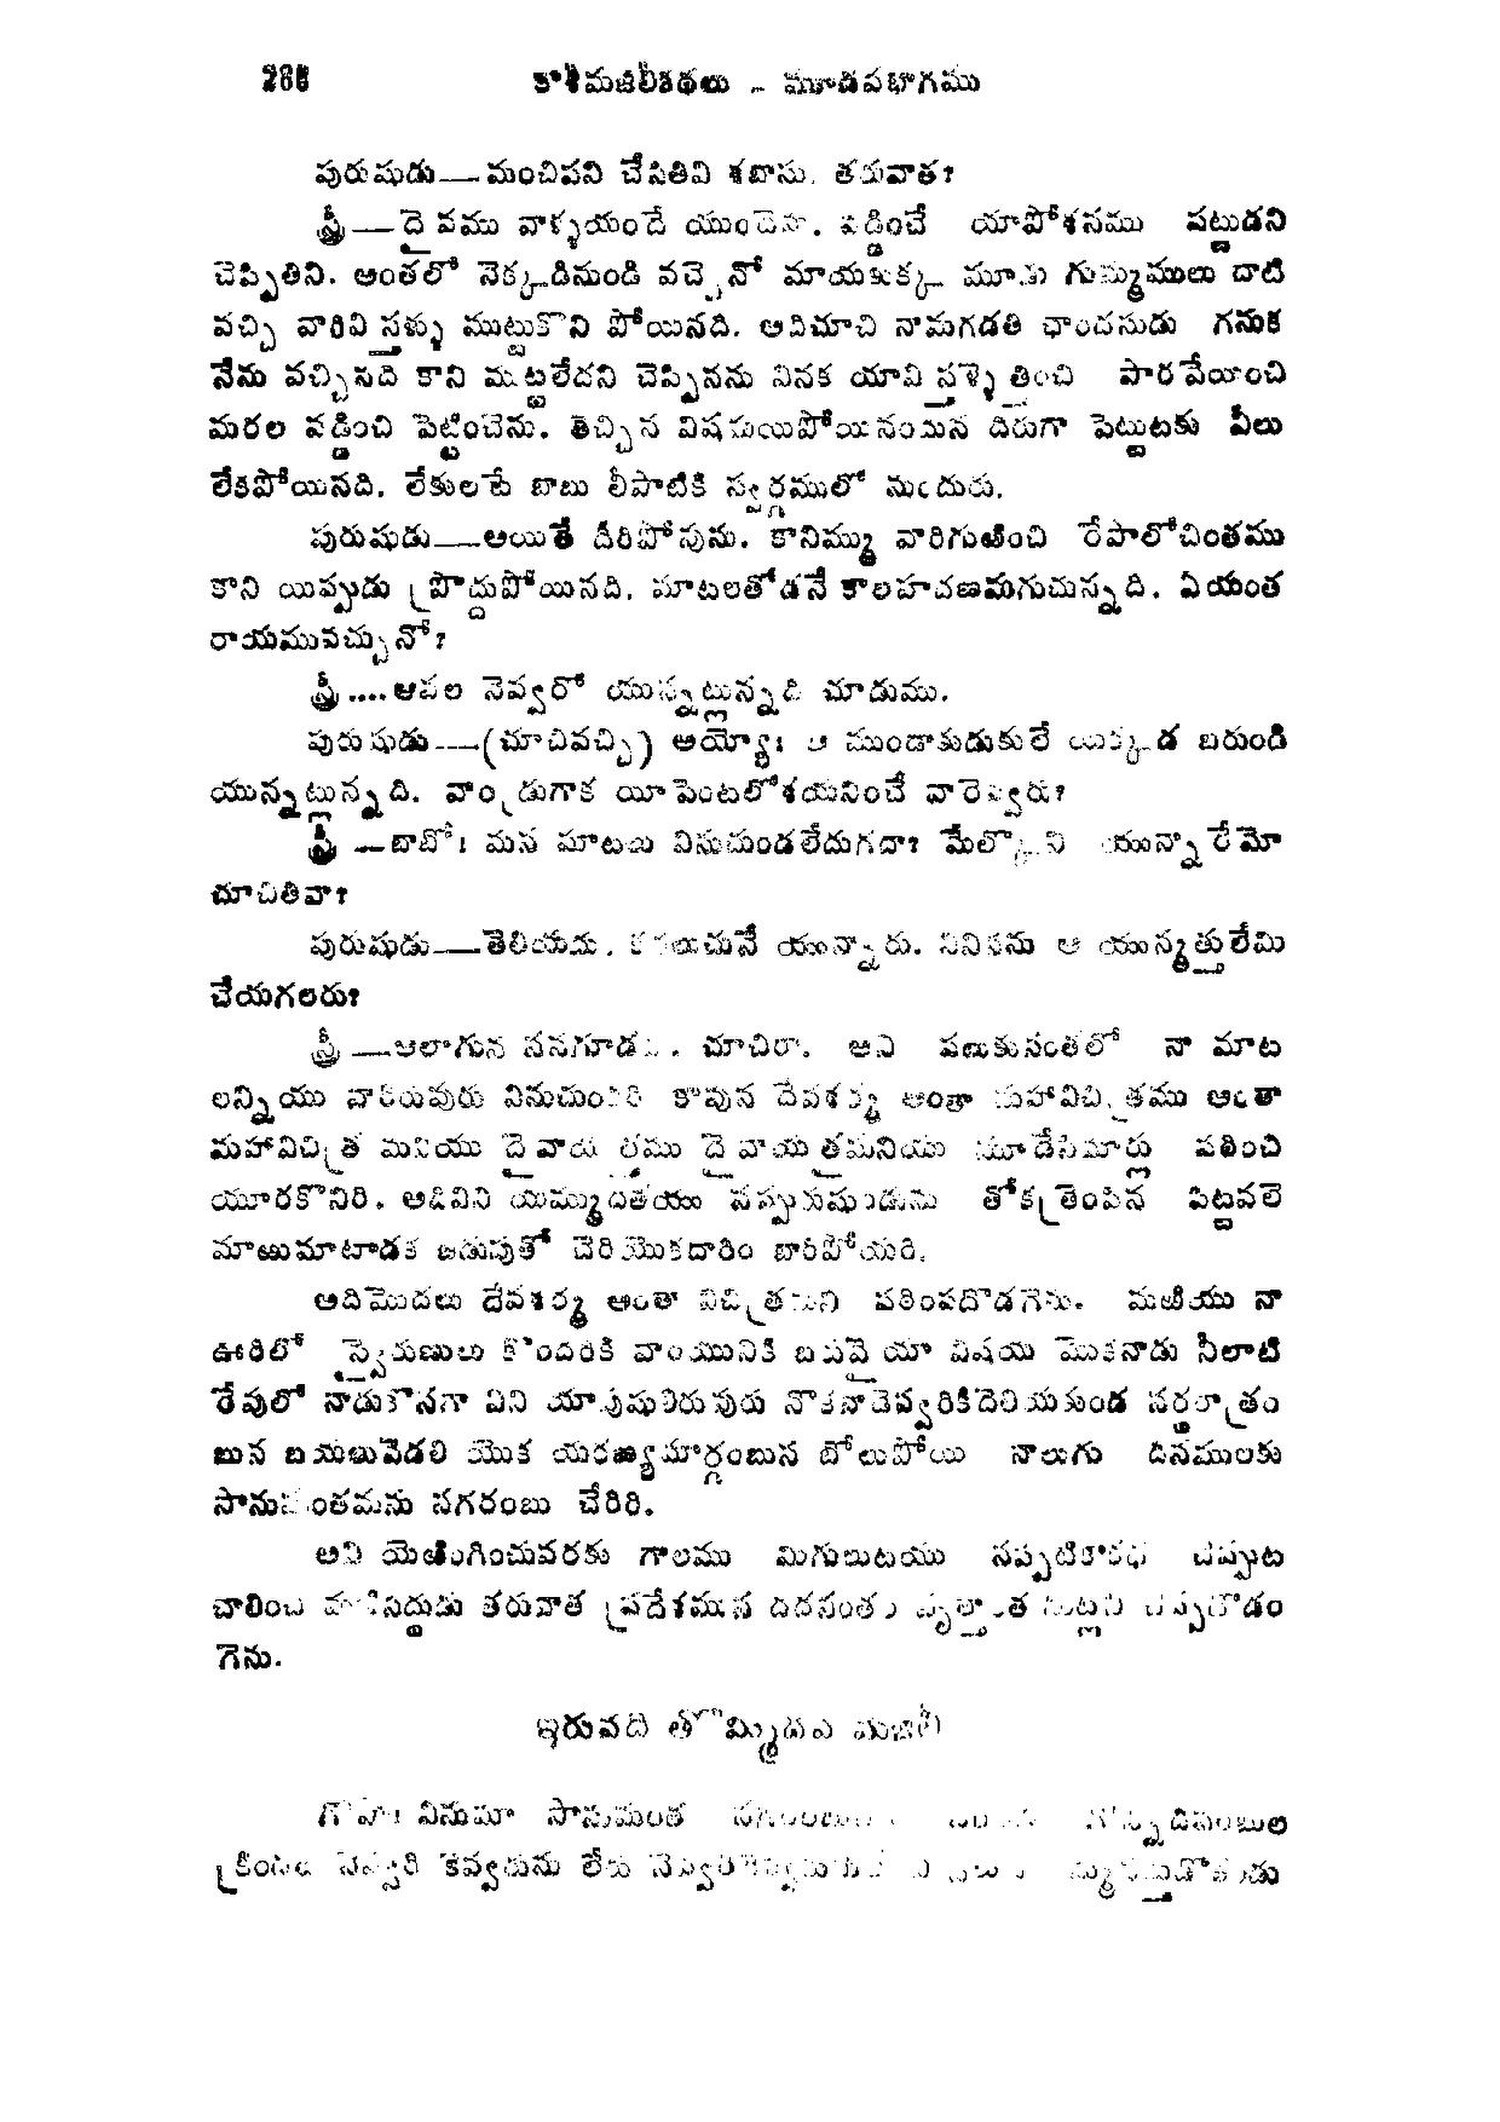పురుషుడు - మంచిపని చేసితివి శబాసు. తరువాత?

స్త్రీ - దైవము వాళ్ళయందే యుండెను. వడ్డించే యాపోశనము పట్టుడని చెప్పితిని. అంతలో నెక్కడినుండి వచ్చెనో మాయకుక్క మూడు గుమ్మములు దాటి వచ్చి వారివిస్తళ్ళు ముట్టుకొని పోయినది. అదిచూచి నామగడతి ఛాందసుడు గనుక నేను వచ్చినది కాని ముట్టలేదని చెప్పినను వినక యావిస్తళ్ళెత్తించి పారవేయించి మరల వడ్డించి పెట్టించెను. తెచ్చిన విషమయిపోయినందున దిరుగా పెట్టుటకు వీలు లేకపోయినది. లేకుంటే బాబు లీపాటికి స్వర్గములో నుందురు.

పురుషుడు - అయితే దీరిపోవును. కానిమ్ము వారిగుఱించి రేపాలోచింతము కాని యిప్పుడు ప్రొద్దుపోయినది. మాటలతోడనే కాలదహణమగుచున్నది. ఏ యంతరాయమువచ్చునో?

స్త్రీ - ఆవల నెవ్వరో యున్నట్లున్నది చూడుము.

పురుషుడు - (చూచివచ్చి) అయ్యో? ఆ ముండాకొడుకులే యిక్కడ బరుండి యున్నట్లున్నది. వాండ్రుగాక యీ పెంటలో శయనించే వారెవ్వరు?

స్త్రీ - బాబో ! మస మాటలు వినుచుండలేదుగదా? మేల్కొని యున్నారేమో చూచితివా?

పురుషుడు — తెలియదు. కదలుచునే యున్నారు. వినినను ఆ యున్మత్తులేమి చేయగలరు?

స్త్రీ - ఆలాగున ననగూడదు.చూచిరా. అని పలుకునంతలో నా మాటలన్నియు వారిరువురు వినుచుండిరి కావున దేవశర్మ అంతా మహావిచిత్రము అంతా మహావిచిత్ర మనియు దైవాయత్తము దైవాయత్తమనియు మూడేసిమార్లు పఠించి యూరకొనిరి. అదివిని యమ్ముదితయు నప్పురుషుండును తోకత్రెంపిన పెట్టవలె మాఱుమాటాడక జడుపుతో చెరియొకదారిం బారిపోయిరి.

అదిమొదలు దేవశర్మ అంతా విచిత్రమని పఠింపదొడగెను. మఱియు నా ఊరిలో స్వైరుణులు కొందరికి వారియునికి బరువై యా విషయ మొకనాడు నీలాటిరేవులో నాడుకొనగా విని యాపురుషులిరువురు నొకనా డెవ్వరికి దెలియకుండ నర్ధరాత్రంబున బయలువెడలి యొక యరణ్యమార్గంబున బోయిపోయి నాలుగు దినములకు సానుమంతమను నగరంబు చేరిరి.

అని యెఱిగించువరకు గాలము మిగులుటయు నప్పటికాకథ చెప్పుట చాలించి మణిసిద్దుడు తరువాత ప్రదేశమున దదనంతర వృత్తాంత మిట్లని చెప్పదొడంగెను. 

ఇరువది తొమ్మిదవ మజిలీ

గోపా! వినుమా సానుమంత నగరంబునందు గొన్నిదినంబుల క్రిందట నెవ్వరి కెవ్వరును లేరు
నెవ్వరి కెవ్వరును లేరని పలుకుచు నున్మత్తుడొకండు